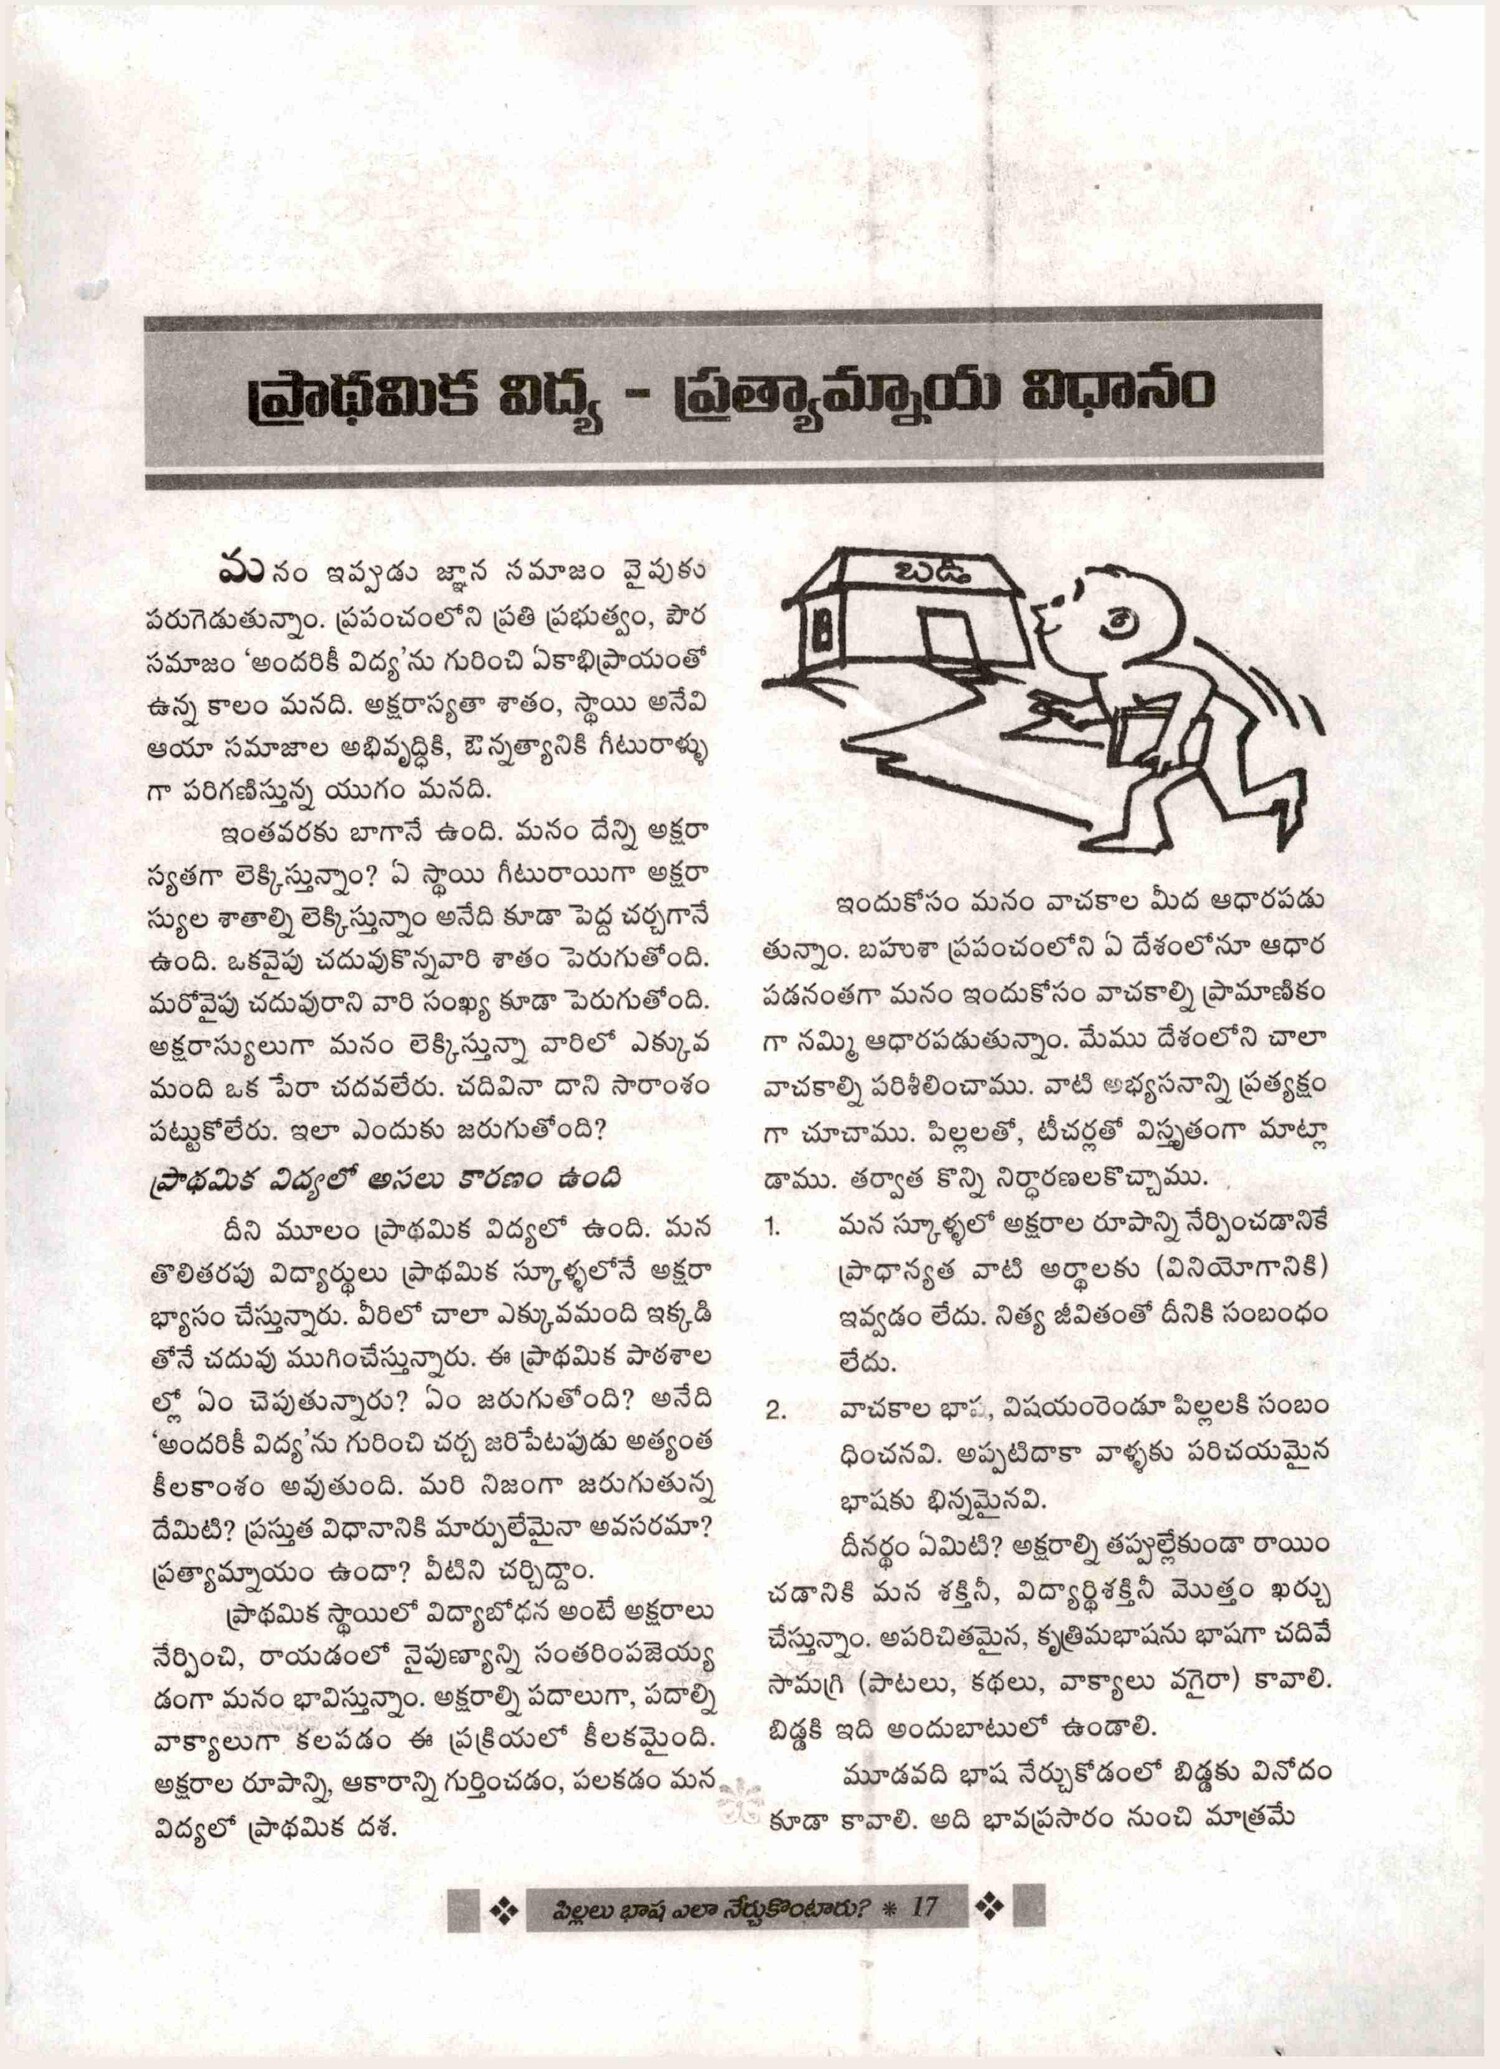ప్రాథమిక విద్య - ప్రత్యామ్నాయ విధానం

మనం ఇప్పుడు జ్ఞాన సమాజం వైపుకు పరుగెడుతున్నాం. ప్రపంచంలోని ప్రతి ప్రభుత్వం, పౌరసమాజం 'అందరికీ విద్య'ను గురించి ఏకాభిప్రాయంతో ఉన్న కాలం మనది. అక్షరాస్యతా శాతం, స్థాయి అనేవి ఆయా సమాజాల అభివృద్ధికి, ఔన్నత్యానికి గీటురాళ్ళుగా పరిగణిస్తున్న యుగం మనది.

ఇంతవరకు బాగానే ఉంది. మనం దేన్ని అక్షరాస్యతగా లెక్కిస్తున్నాం? ఏ స్థాయి గీటురాయిగా అక్షరాస్యుల శాతాల్ని లెక్కిస్తున్నాం అనేది కూడా పెద్ద చర్చగానే ఉంది. ఒకవైపు చదువుకొన్నవారి శాతం పెరుగుతోంది. మరోవైపు చదువురాని వారి సంఖ్య కూడా పెరుగుతోంది. అక్షరాస్యులుగా మనం లెక్కిస్తున్నా వారిలో ఎక్కువ మంది ఒక పేరా చదవలేరు. చదివినా దాని సారాంశం పట్టుకోలేరు. ఇలా ఎందుకు జరుగుతోంది?

ప్రాథమిక విద్యలో అసలు కారణం ఉంది

దీని మూలం ప్రాథమిక విద్యలో ఉంది. మన తొలితరపు విద్యార్థులు ప్రాథమిక స్కూళ్ళలోనే అక్షరాభ్యాసం చేస్తున్నారు. వీరిలో చాలా ఎక్కువమంది ఇక్కడితోనే చదువు ముగించేస్తున్నారు. ఈ ప్రాథమిక పాఠశాలల్లో ఏం చెపుతున్నారు? ఏం జరుగుతోంది? అనేది ‘అందరికీ విద్య'ను గురించి చర్చ జరిపేటపుడు అత్యంత కీలకాంశం అవుతుంది. మరి నిజంగా జరుగుతున్న దేమిటి? ప్రస్తుత విధానానికి మార్పులేమైనా అవసరమా? ప్రత్యామ్నాయం ఉందా? వీటిని చర్చిద్దాం.

ప్రాథమిక స్థాయిలో విద్యాబోధన అంటే అక్షరాలు నేర్పించి, రాయడంలో నైపుణ్యాన్ని సంతరింపజెయ్యడంగా మనం భావిస్తున్నాం. అక్షరాల్ని పదాలుగా, పదాల్ని వాక్యాలుగా కలపడం ఈ ప్రక్రియలో కీలకమైంది. అక్షరాల రూపాన్ని, ఆకారాన్ని గుర్తించడం, పలకడం మన విద్యలో ప్రాథమిక దశ.

ఇందుకోసం మనం వాచకాల మీద ఆధారపడుతున్నాం. బహుశా ప్రపంచంలోని ఏ దేశంలోనూ ఆధారపడనంతగా మనం ఇందుకోసం వాచకాల్ని ప్రామాణికంగా నమ్మి ఆధారపడుతున్నాం. మేము దేశంలోని చాలా వాచకాల్ని పరిశీలించాము. వాటి అభ్యసనాన్ని ప్రత్యక్షంగా చూచాము. పిల్లలతో, టీచర్లతో విస్తృతంగా మాట్లాడాము. తర్వాత కొన్ని నిర్ధారణలకొచ్చాము.

1. మన స్కూళ్ళలో అక్షరాల రూపాన్ని నేర్పించడానికే ప్రాధాన్యత వాటి అర్థాలకు (వినియోగానికి) ఇవ్వడం లేదు. నిత్య జీవితంతో దీనికి సంబంధం లేదు.

2. వాచకాల భాష, విషయంరెండూ పిల్లలకి సంబంధించనవి. అప్పటిదాకా వాళ్ళకు పరిచయమైన భాషకు భిన్నమైనవి.

దీనర్థం ఏమిటి? అక్షరాల్ని తప్పుల్లేకుండా రాయించడానికి మన శక్తినీ, విద్యార్థిశక్తినీ మొత్తం ఖర్చు చేస్తున్నాం. అపరిచితమైన, కృత్రిమభాషను భాషగా చదివే సామగ్రి (పాటలు, కథలు, వాక్యాలు వగైరా) కావాలి. బిడ్డకి ఇది అందుబాటులో ఉండాలి.

మూడవది భాష నేర్చుకోడంలో బిడ్డకు వినోదం కూడా కావాలి. అది భావప్రసారం నుంచి మాత్రమే